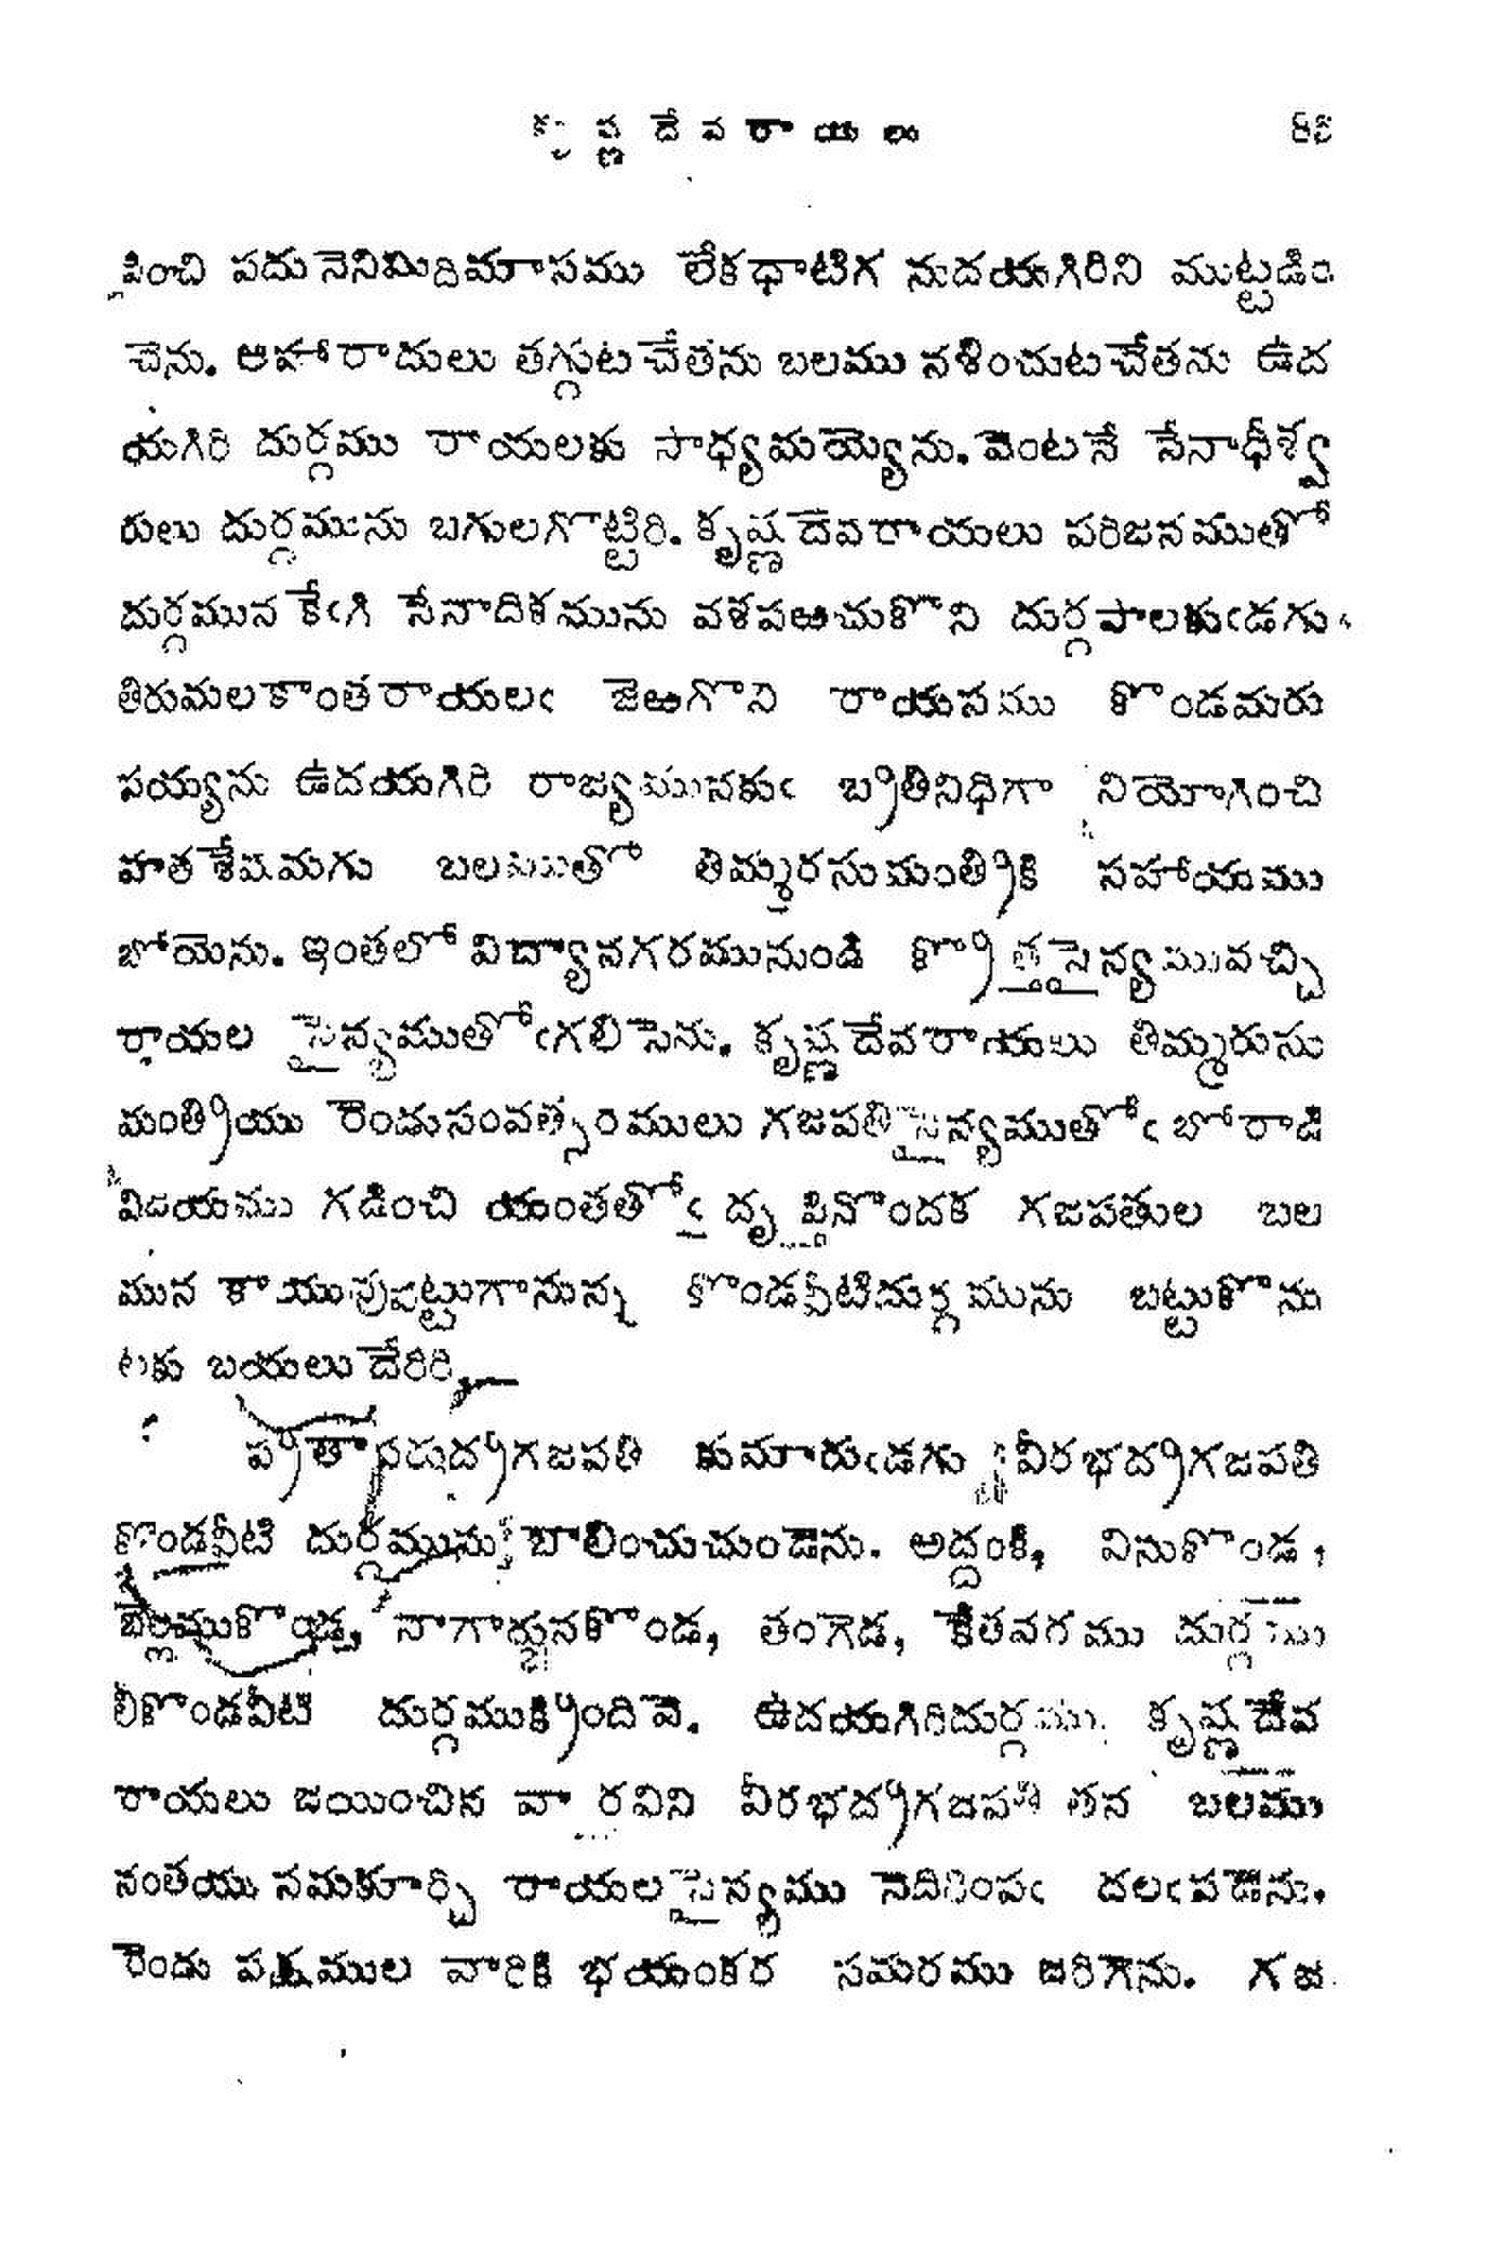పించి పదునెనిమిదిమాసము లేకధాటిగ నుదయగిరిని ముట్టడించెను. ఆహారాదులు తగ్గుటచేతను బలము నశించుటచేతను ఉదయగిరి దుర్గము రాయలకు సాధ్యమయ్యెను. వెంటనే సేనాధీశ్వరులు దుర్గమును బగులగొట్టిరి. కృష్ణదేవరాయలు పరిజనముతో దుర్గమున కేగి సేనాదికమును వశపఱచుకొని దుర్గపాలకుడగు తిరుమలకాంతరాయల జెఱగొని రాయసము కొండమరుసయ్యను ఉదయగిరి రాజ్యమునకు బ్రతినిధిగా నియోగించి హతశేషమగు బలముతో తిమ్మరుసుమంత్రికి సహాయము బోయెను. ఇంతలో విద్యానగరమునుండి క్రొత్తసైన్యమువచ్చి రాయల సైన్యముతో గలిసెను. కృష్ణదేవరాయలు తిమ్మరుసు మంత్రియు రెండుసంవత్సరములు గజపతి సైన్యముతో బోరాడి విజయము గడించి యంతతో దృప్తినొందక గజపతుల బలమున కాయువుపట్టుగానున్న కొండవీటిదుర్గమును బట్టుకొనుటకు బయలుదేరిరి.

ప్రతాపరుద్రగజపతి కుమారుడగు వీరభద్రగజపతి కొండవీటి దుర్గమును బాలించుచుండెను. అద్దంకి, వినుకొండ, బెల్లముకొండ, నాగార్జునకొండ, తంగెడ, కేతవరము దుర్గము లీకొండవీటి దుర్గముక్రిందవె. ఉదయగిరిదుర్గము కృష్ణదేవరాయలు జయించిన వార్తవిని వీరభద్రగజపతి తన బలము నంతయు సమకూర్చి రాయలసైన్యము నెదిరింప దలపడెను. రెండు పక్షముల వారికి భయంకర సమరము జరిగెను. గజ